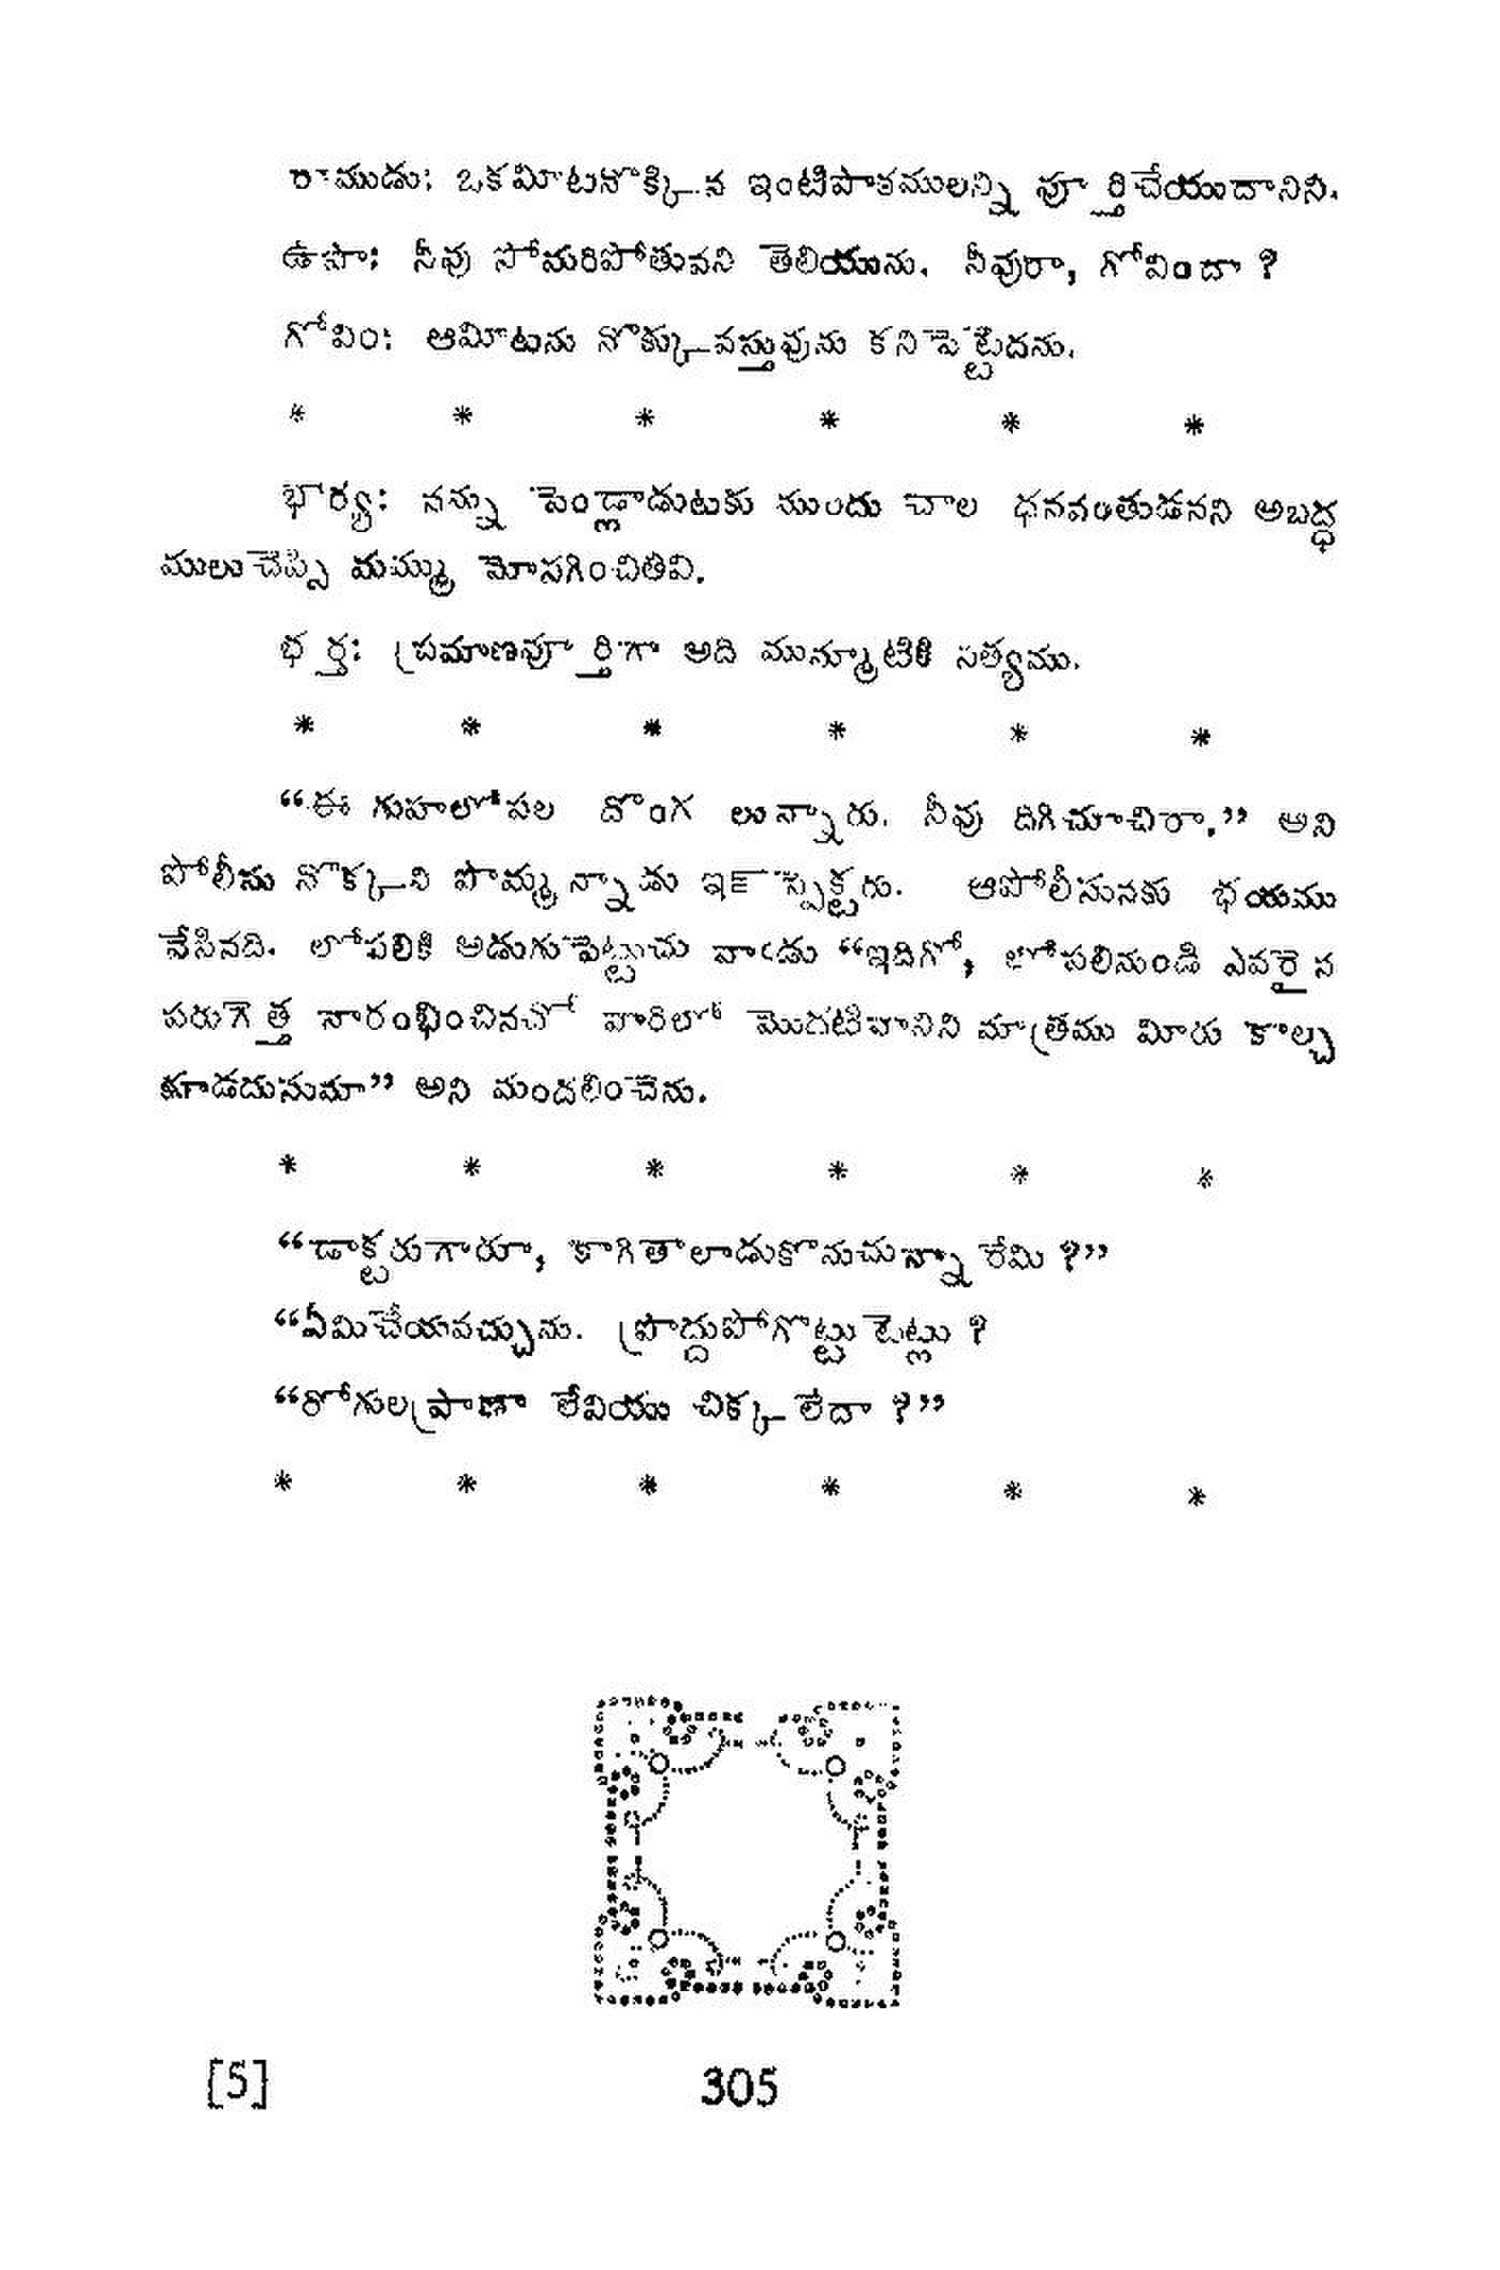రాముడు: ఒకమీటనొక్కిన ఇంటిపాఠములన్ని పూర్తిచేయుదానిని.
ఉదా: నీవు సొమరిపోతువని తెలియును. నీవురా, గోవిందా?
గోవిం: ఆమీటను నొక్కువస్తువును కనిపెట్టెదము.
 * * * * * * * * *

భార్య: నన్ను పెండ్లాడుకు ముందు చాల ధనవంతుడవని అబద్ధములు చెప్పి మమ్ము మోసగించితివి. 

 భర్త: ప్రమాణపూర్తిగా అది ముమ్మాటికి సత్యము 
 * * * * * * 

 "ఈ గుహలోపల దొంగ లున్నారు. నీవు దిగిచూచిరా." అని పోలీసు నొక్కని పొమ్మన్నాడు ఇన్ స్పెక్టరు. ఆపోలీసునకు భయమువేసినది. లోపలికి అడుగుపెట్టుచు వాడు "ఇదిగో, లోపలినుండి ఎవరైన పరుగెత్త నారంభించినచో వారిలొ మొదటివానిని మాత్రము మీరు కాల్చకూడదుసుమా" అని మందలించెను.
 * * * * * *

"డాక్టరుగారూ, కాగితాలాడుకొనుచున్నారేమి?"
"ఏమిచేయవచ్చును ప్రొద్ధుపోగొట్టు టేట్లు ?
"రోగులప్రాణా లేవియు చిక్కలేదా ?" 

 * * * * *